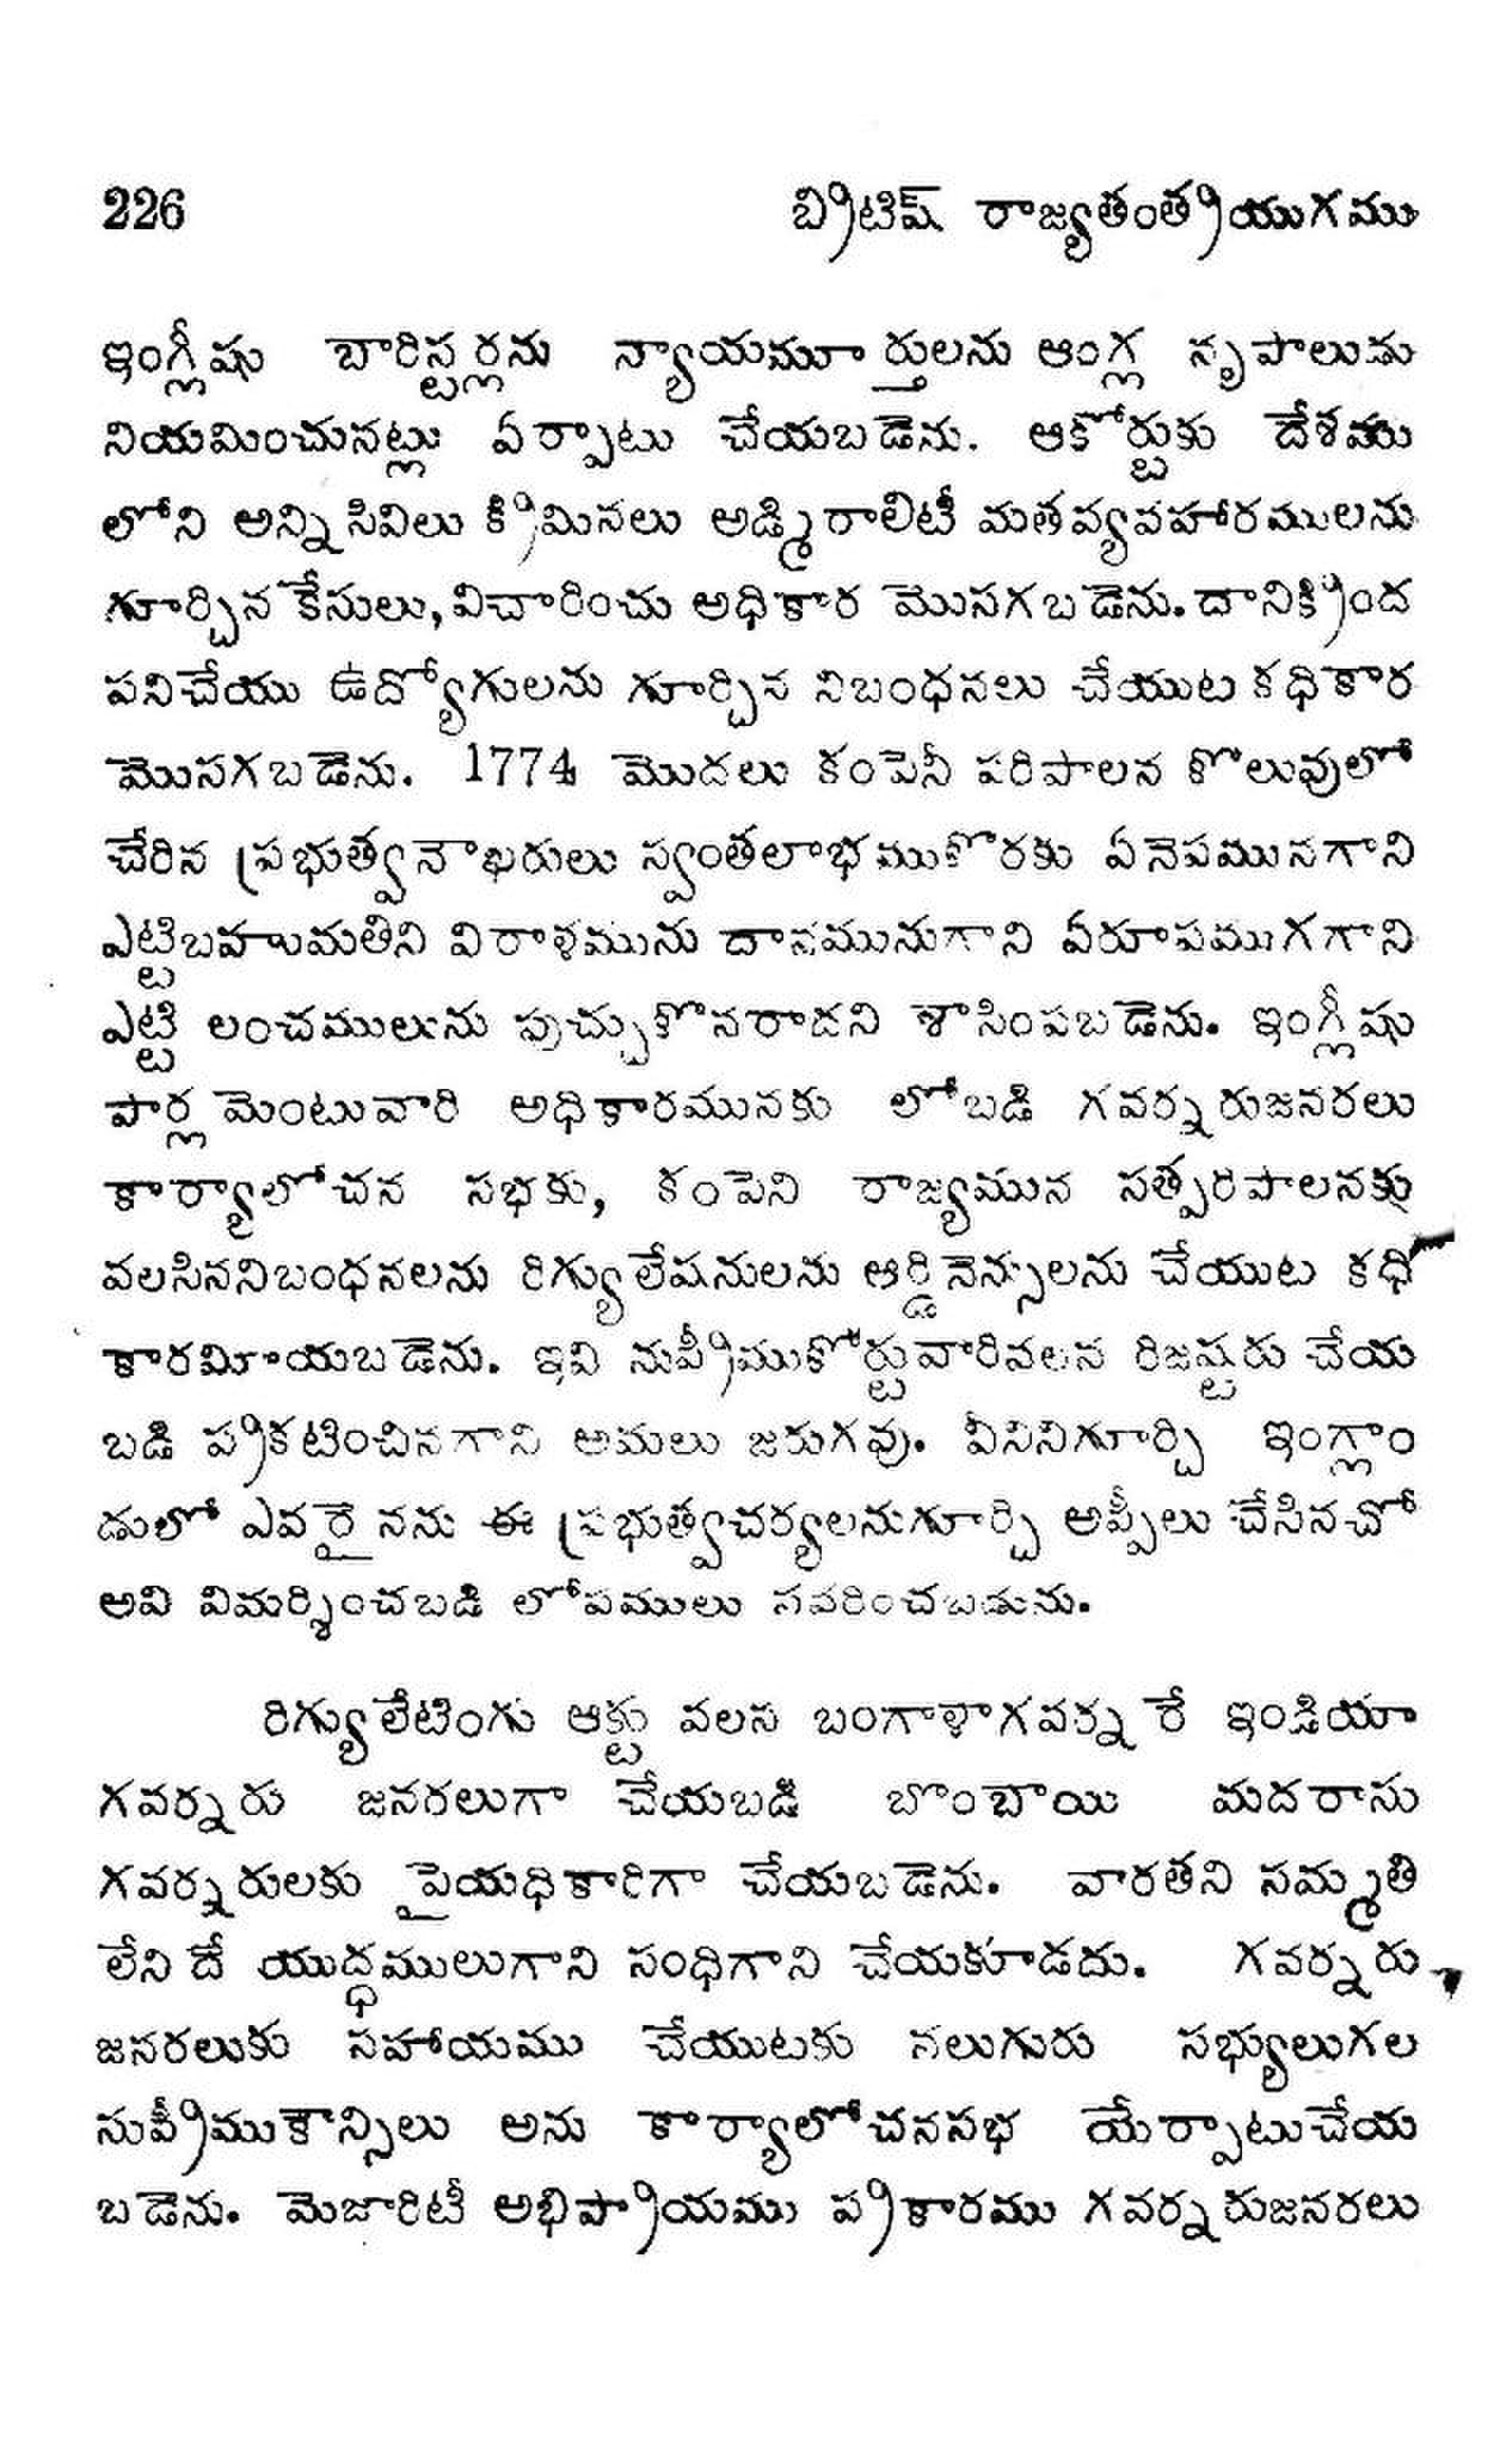ఇంగ్లీషు బారిస్టర్లను న్యాయమూర్తులను ఆంగ్ల నృపాలుడు నియమించునట్లు ఏర్పాటు చేయబడెను. ఆకోర్టుకు దేశములోని అన్నిసివిలు క్రిమినలు అడ్మిరాలిటీ మతవ్యవహారములను గూర్చినకేసులు, విచారించు అధికార మొసగబడెను. దానిక్రింద పనిచేయు ఉద్యోగులను గూర్చిన నిబంధనలు చేయుట కధికార మొసగబడెను. 1774 మొదలు కంపెనీ పరిపాలన కొలువులో చేరిన ప్రభుత్వనౌఖరులు స్వంతలాభముకొరకు ఏ నెపమునగాని ఎట్టిబహుమతిని విరాళమును దానమునుగాని ఏరూపముగగాని ఎట్టి లంచములును పుచ్చుకొనరాదని శాసింపబడెను. ఇంగ్లీషు పార్లమెంటువారి అధికారమునకు లోబడి గవర్నరుజనరలు కార్యాలోచన సభకు, కంపెని రాజ్యమున సత్పరిపాలనకు వలసిన నిబంధనలను రిగ్యులేషనులను ఆర్డినెన్సులను చేయుట కధికారమీయబడెను. ఇవి సుప్రీముకోర్టువారివలన రిజస్టరు చేయబడి ప్రకటించినగాని అమలు జరుగవు. వీనినిగూర్చి ఇంగ్లాండులో ఎవరైనను ఈ ప్రభుత్వచర్యలనుగూర్చి అప్పీలు చేసినచో అవి విమర్శించబడి లోపములు సవరించబడును.

రిగ్యులేటింగు ఆక్టు వలస బంగాళాగవర్నరే ఇండియా గవర్నరు జనరలుగా చేయబడి బొంబాయి మదరాసు గవర్నరులకు పైయధికారిగా చేయబడెను. వారతని సమ్మతి లేనిదే యుద్ధములుగాని సంధిగాని చేయకూడదు. గవర్నరు జనరలుకు సహాయము చేయుటకు నలుగురు సభ్యులుగల సుప్రీముకౌన్సిలు అను కార్యాలోచనసభ యేర్పాటుచేయబడెను. మెజారిటీ అభిప్రాయము ప్రకారము గవర్నరుజనరలు